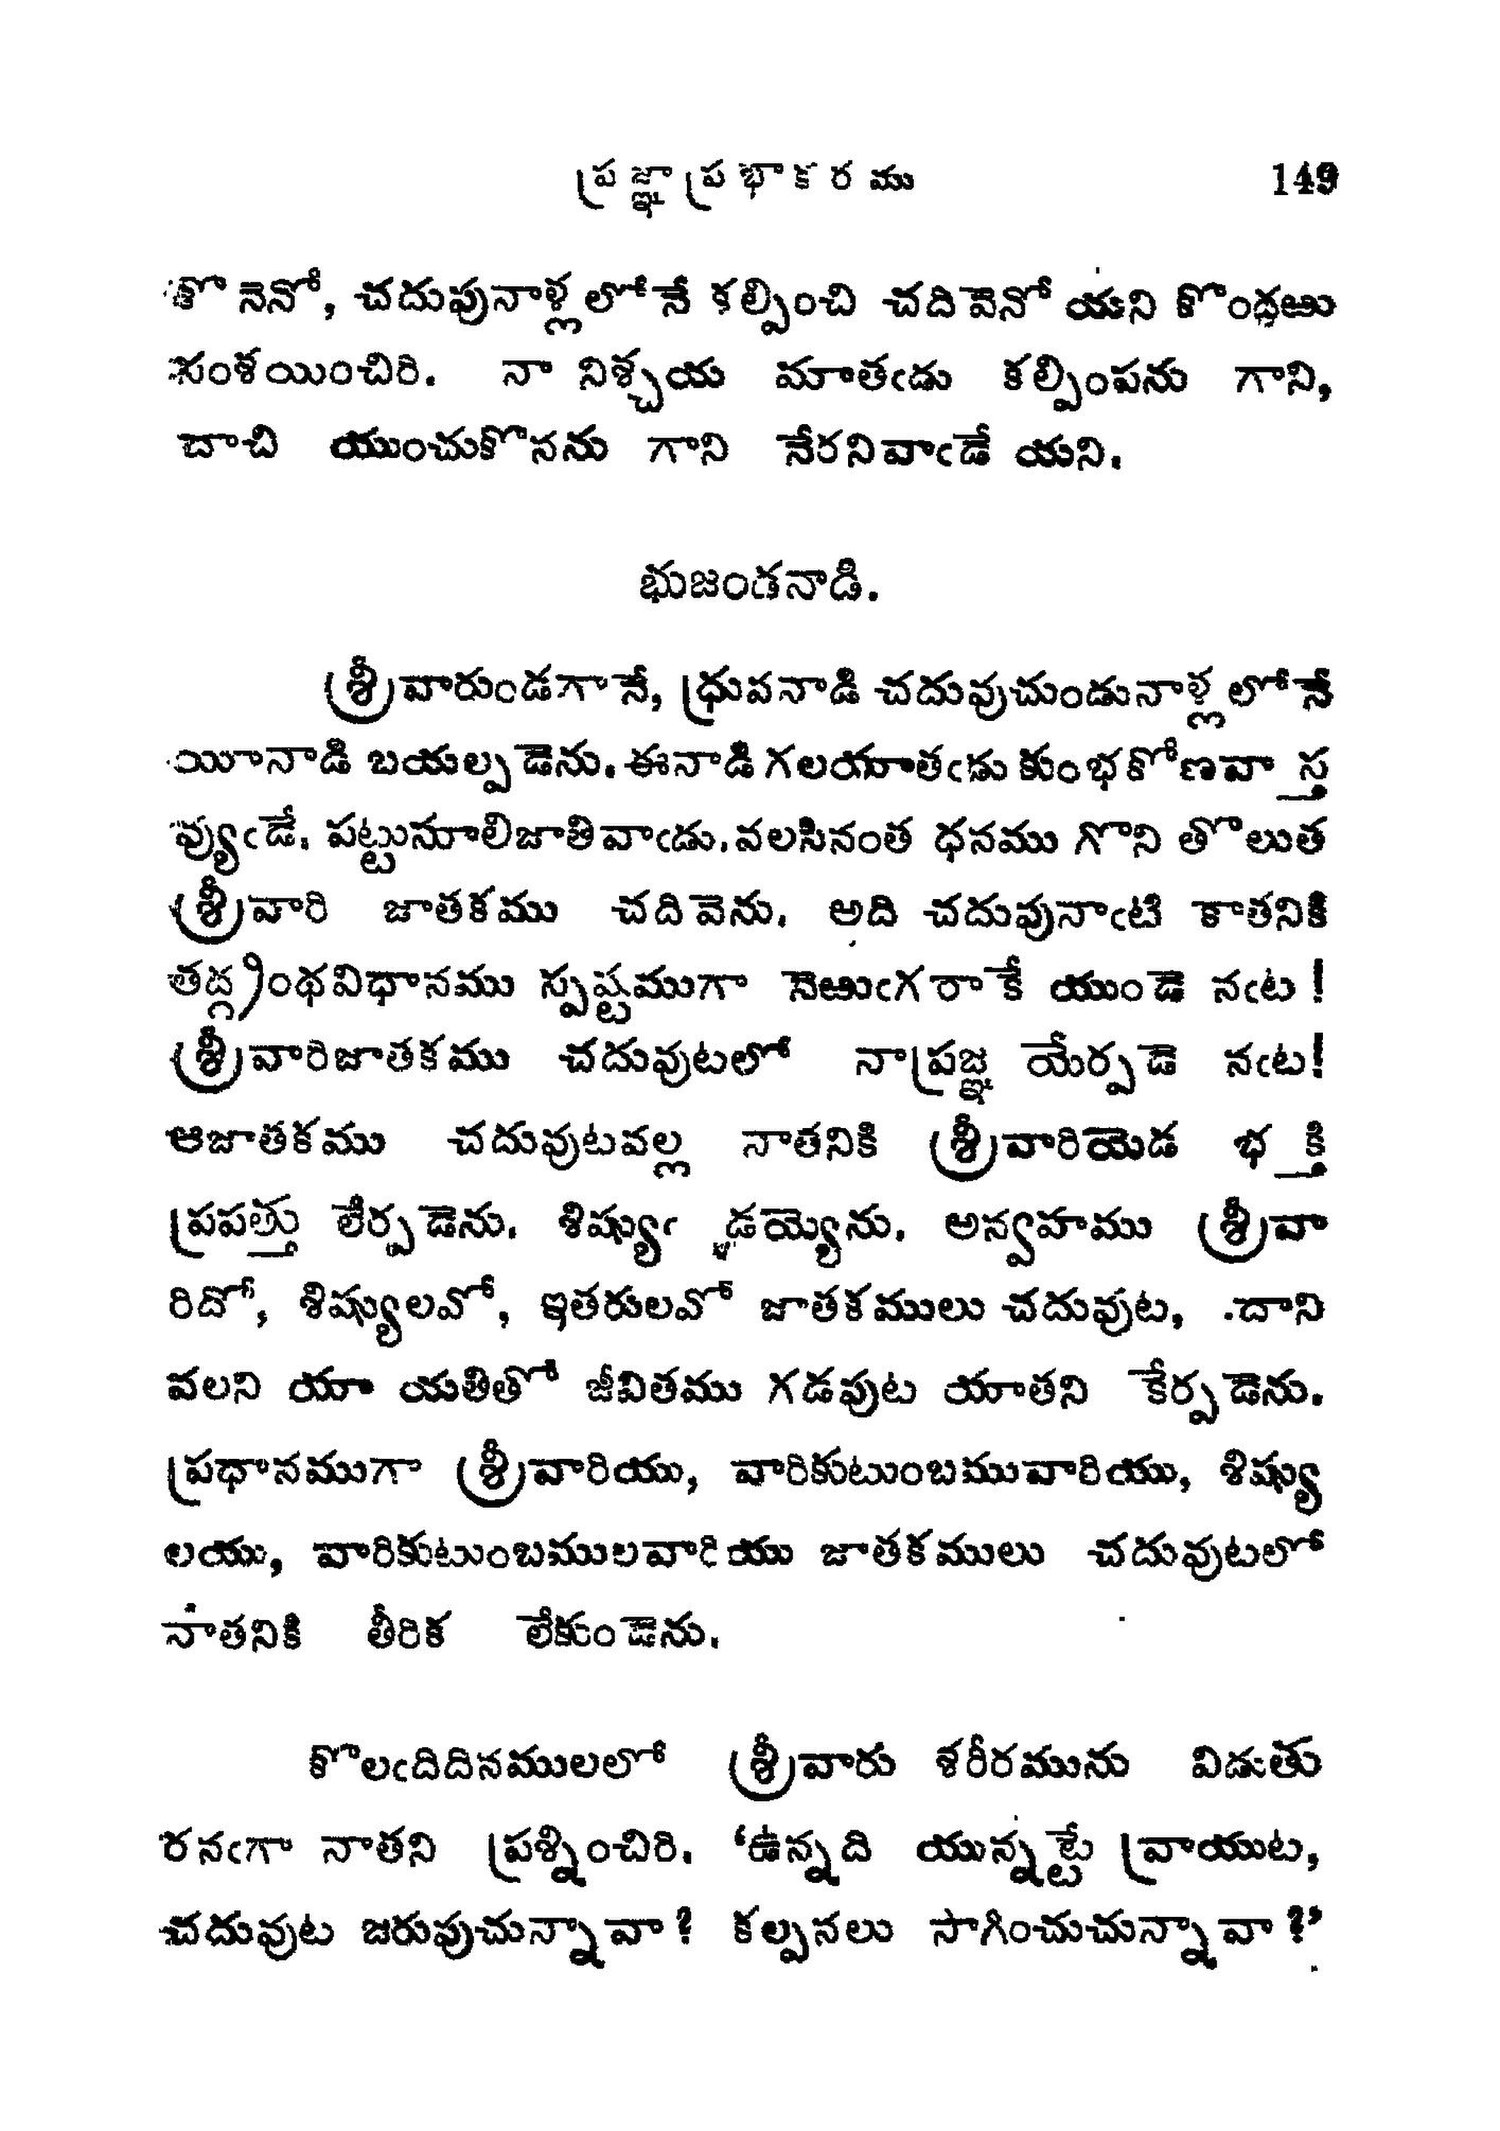కొనెనో, చదువునాళ్ళలోనే కల్పించి చదివెనో యని కొందఱు సంశయించిరి. నా నిశ్చయ మాతఁడు కల్పింపను గాని, దాచి యుంచుకొనను గాని నేరనివాఁడే యని. 
 
 భుజండనాడి 
శ్రీవారుండగానే, ధ్రువనాడి చదువుచుండు నాళ్ళలోనే యీ నాడి బయల్పడెను. ఈ నాడి గల యాతఁడు కుంభకోణ వాస్తవ్యుఁ డే. పట్టునూలి జాతివాఁ వలసినంత ధనము గొని తొలుత శ్రీవారి జాతకము చదివెను. అది చదువునాఁటి కాతనికి తద్గ్రంధ విధానము స్పష్టముగా నెఱుఁగ రాకే యుండె నఁట! ఆ జాతకము చదువుట వల్ల నాతనికి శ్రీవారియెడ భక్తి ప్రపత్తులేర్పడెను. శిష్యుఁ డయ్యెను. అన్వాహము శ్రీ వారిదో, శిష్యులవో, ఇతరులతో జాతకములు చుదువుట, దానివలని యా యతితో జీవితము గడపుట యాతని కేర్పడెను. ప్రధానముగా శ్రీవారియు,వారి కుంటుంబము వారియు,శిష్యులయు, వారి కుటుంబముల వారియు జాతకములు చదువుటలో నాతనికి తీరిక లేకుండెను.

 కొలఁది దినములలో శ్రీవారు శరీరము విడుతురనఁగా నాతని ప్రశ్నించిరి.' ఉన్నది యున్నట్టే వ్రాయుట, చదువుట జరుపుచున్నావా? కల్పనలు సాగించుచున్నావా?